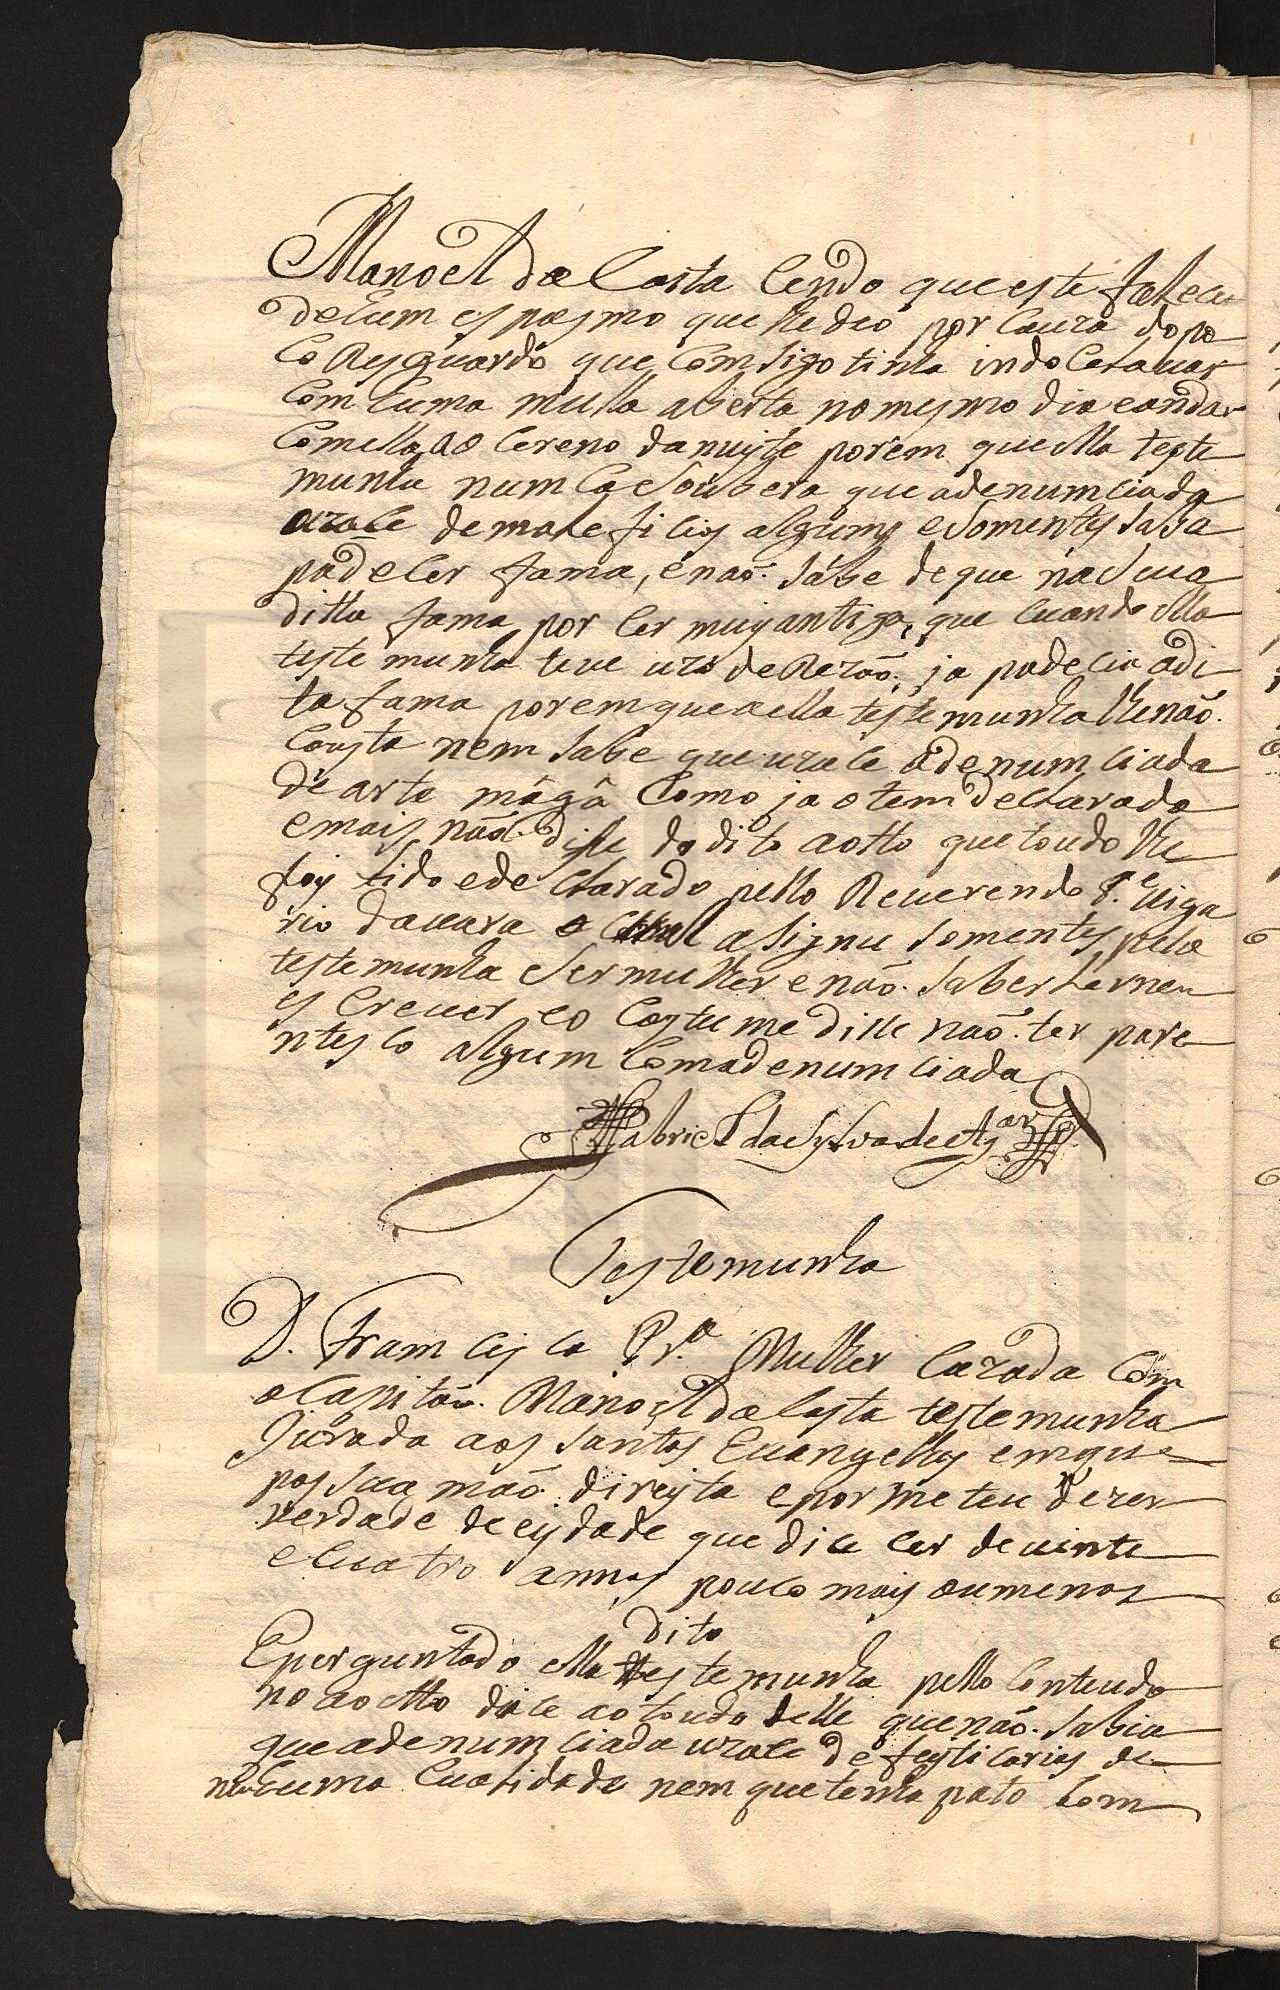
Manoel da Costa Cendo que este faLece_
de hum espasmo que lhe deo por cauza do po
Co Resguardo que Comsigo tinha indo Ce Lauar
Com huma mulla aberta no mesmo dia e andar
Com ella ao cereno da nuyte porem que ella teste
munha numCa Soubera que a denumciada
uzaçe de maLeficios algums e Somentes saba
padecer fama, e naõ sabe de que na Seua
ditta fama, por cer muy antiga, que cuando ella
testemunha teve uzo de Rezaõ, ja padecia a di
ta fama porem que a ella testemunha lhe naõ
consta nem sabe que uzace a denumciada
de arte mágá Como ja o tem decLarado
e mais não disse do dito aotto que toudo lhe
foy Lido e decLarado pello Reuerendo P.e Uiga
rio da uara o cual asignu somentes, pela
testemunha Ser mulher e não saber Ler nen
escreuer e o Costume disse naõ ter pare
ntesco algum Com a denumciada
Testemunha
D. Francisca Pr.a Mulher Cazada Com
o Capitão. Manoel da Costa testemunha
Jurada aos santos Euangelhos em que
pos sua maõ direyta e pormeteu dezer
verdade de eydade que dice cer de uinte
e cuatro annos pouco mais ou menoz
Dito
E perguntado ella testemunha pello Conteudo
no aoctto dice ao toudo delle que naõ sabia
que a denumciada uzace de feyticarias de
nenhuma cuaLidade nem que tenha pato Com
